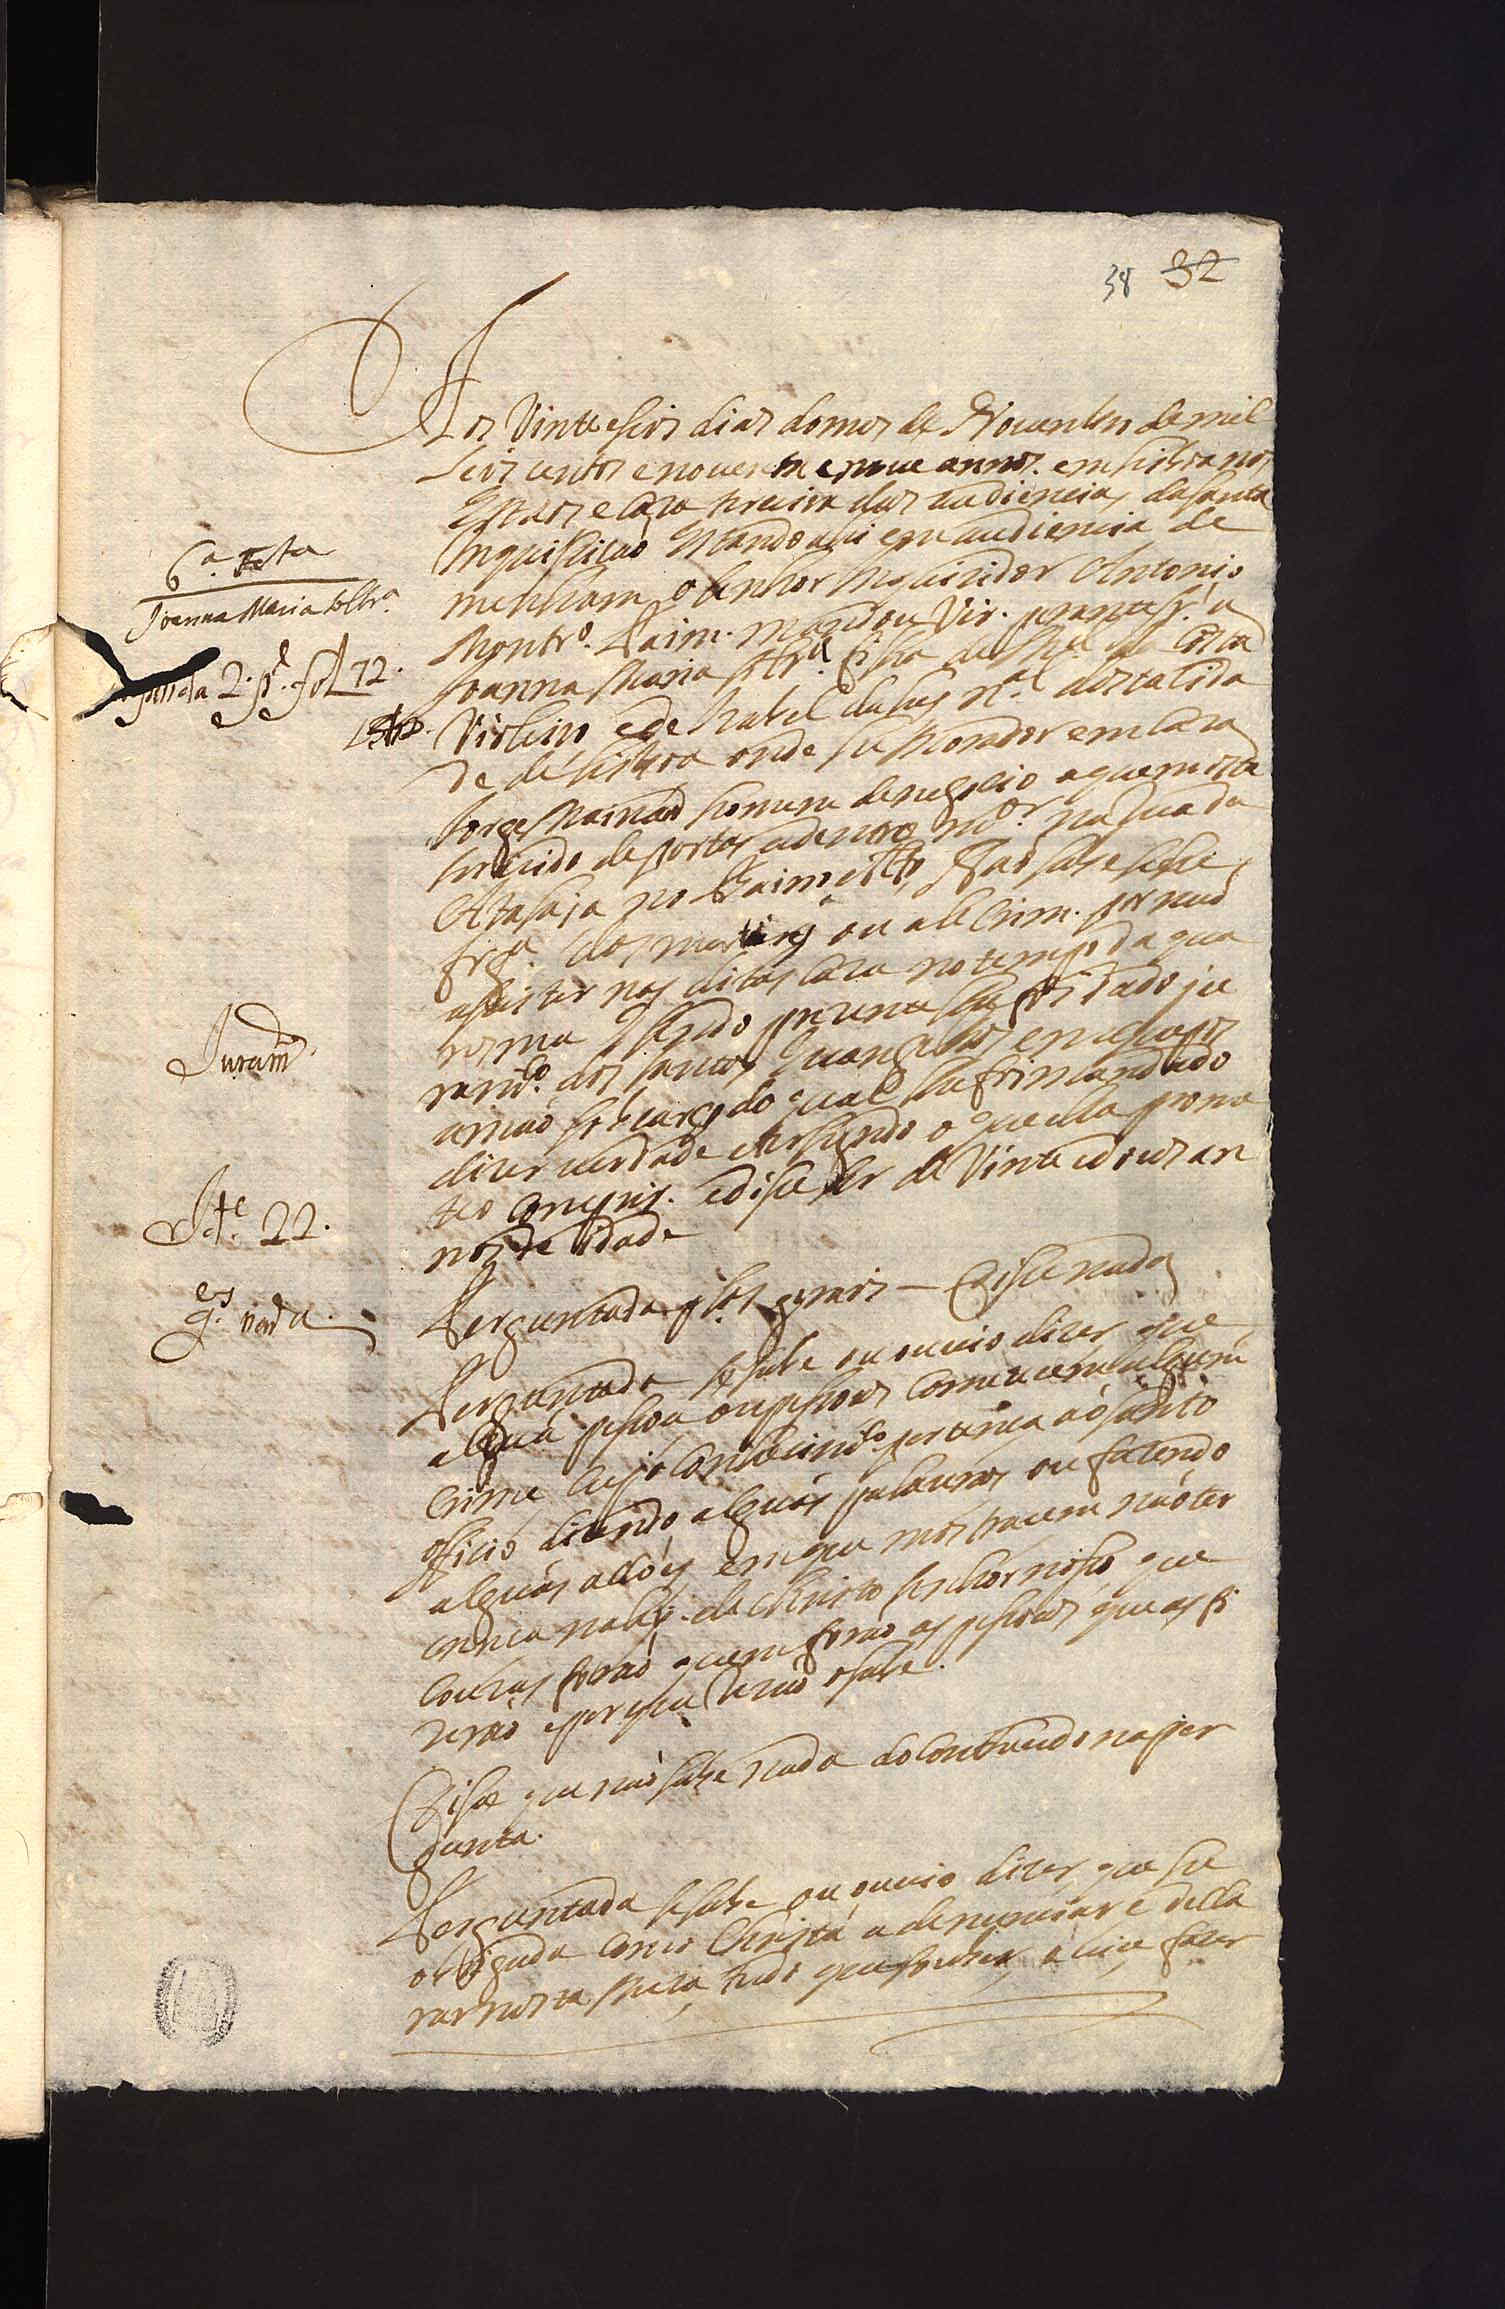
6.a Testa
Joanna Maria soltr.a
_nda 2. p.e foL 72.
_
Juramto
Id̄.e 22.
g.es nada.
Aos Vinte e seis dias do mes de Nouembro de mil
seiscentos e nouenta e noue annos. em Lisboa nos
Estaos e caza terceira das audiencias da santa
Inquisiçaõ Estando ahi em audiencia de
menham o Senhor Inquizidor Antonio
Montr.o Paim. mandou vir. perante sy. a
Joanna Maria soltr.a. filha de M.el da Costa
Violeiro e de Izabel da lus n.al desta cida
de de lisboa onde he morador em caza
Iorge Mainard homem de negocio a quem esta
E resido de portas adentro m.or na Rua da
Atalaia no Bairro Alto, Naõ sabe se he
frg.a dos martires, ou alecrim. por naõ
assistir nas ditas caza no tempo da qua
resma E sendo prezente lhe foi dado ju
ram.to dos Santos Euangelhos em que pos
a maõ sob cargo do qual lhe foi mandado
dizer uerdade e ter segndo o que ella prome
teo comprir. e disse ser de Vinte e dous an
nos de idade
Perguntada p.los gerais - Disse nada
Perguntada se sabe ou ouuio dizer que
alguã pessoa, ou pessoas cometeram algum
crime cujo conhecimto pertença ao Santo
officio dizendo, alguās palauras ou fazendo
alguās acções, em que mostracem naõ ter
crença na ley de christo senhor nosso, que
couzas foraõ quem foraõ as pesoas que as fi
zerão e por que rezaõ o sabe.
Disse que naõ sabe nada do contheudo na per
gunta.
Perguntada se sabe ou ouuio dizer que he
obrigada como Christã a denunciar e decla
rar nesta Meza, tudo que souber, e uice fazer
